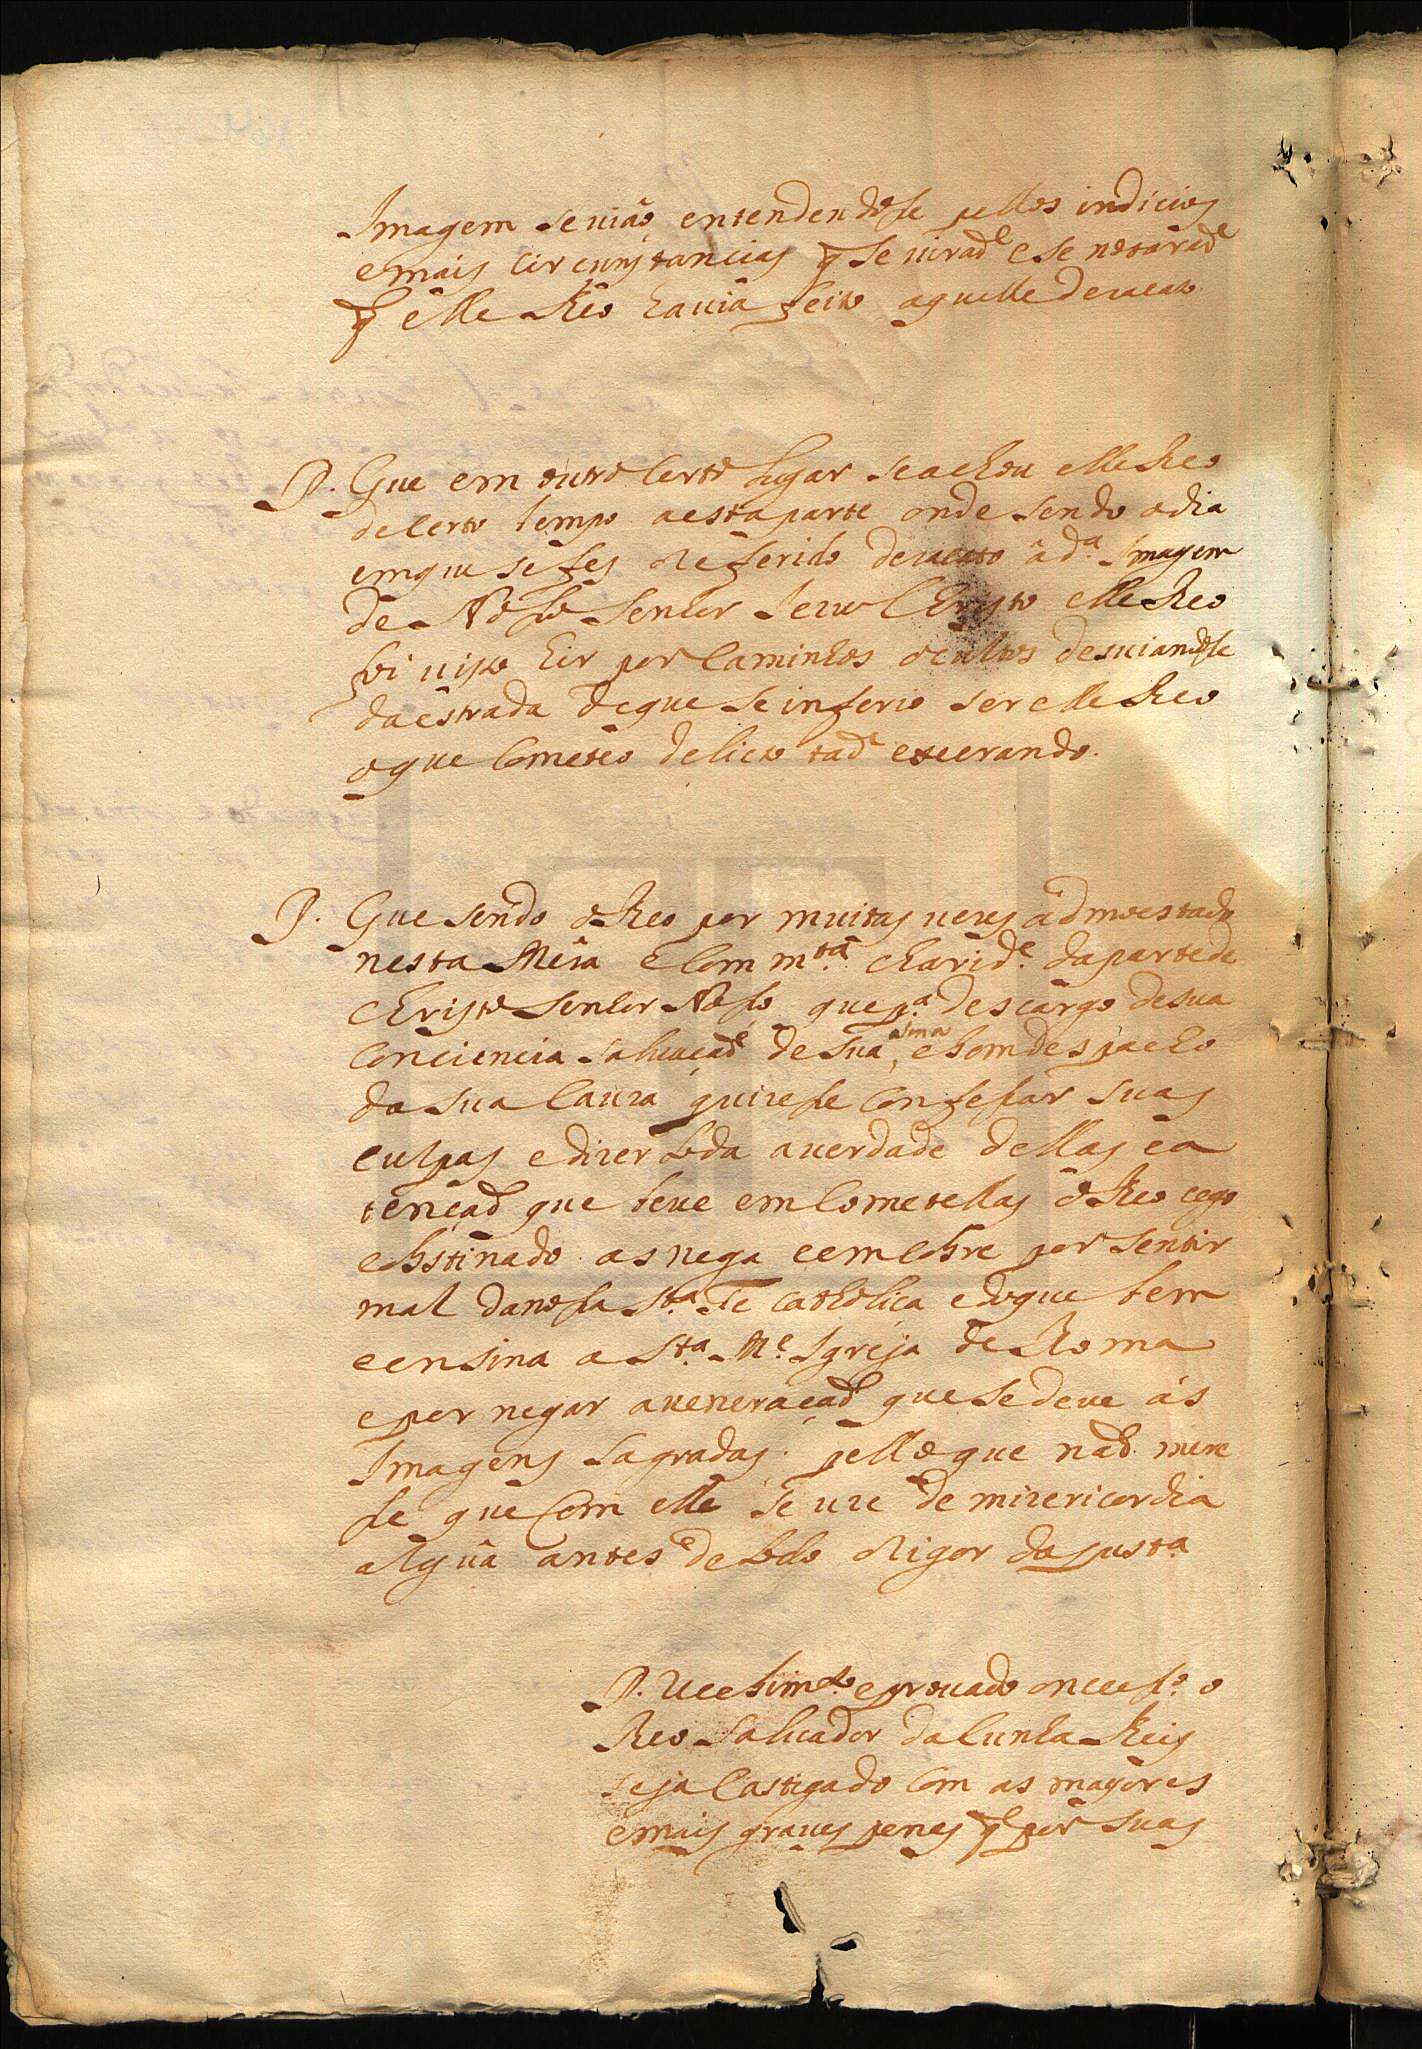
Imagem se uião, entendendose pellos indícios
e mais circunstancias q̄ se uiraõ e se notaraõ
q̄ elle Reo hauia feito aquelle dezacato
P. Que em outro certo Lugar se achou elle Reo
de certo tempo a esta parte onde sendo o dia
em que se fez o Referido dezacato a d.a Imagem
de Nosso Senhor Iezu Christo elle Reo
foi uisto hir por caminhos ocultos desuiandose
da estrada de que se inferio ser elle Reo
o que cometeo delicto taõ execrando.
P. Que sendo o Reo por muitas uezes admoestado
nesta Meza e com m.ta charid.e da parte de
christo senhor Nosso, que p.a descargo de sua
conciencia saluaçaõ de sua, alma e bom despacho
da sua cauza quizesse confessar suas
culpas e dizer toda a uerdade dellas e a
tençaõ que teue em cometellas o Reo cego
e obstinado as nega e emcobre por sentir
mal da nossa s.ta Fe catholica e do que tem
e ensina a St.a M.e Igreja de Roma
e por negar a ueneraçaõ que se deue ás
Imagens sagradas; pello que naõ mere
se que Com elle se uze de mizericordia
alguā antes de todo o Rigor da just.a
P. Recebim.to e prouado o necess.o o
Reo Saluador da Cunha Reis
seja castigado com as mayores
e mais graues penas q̄ por suas
